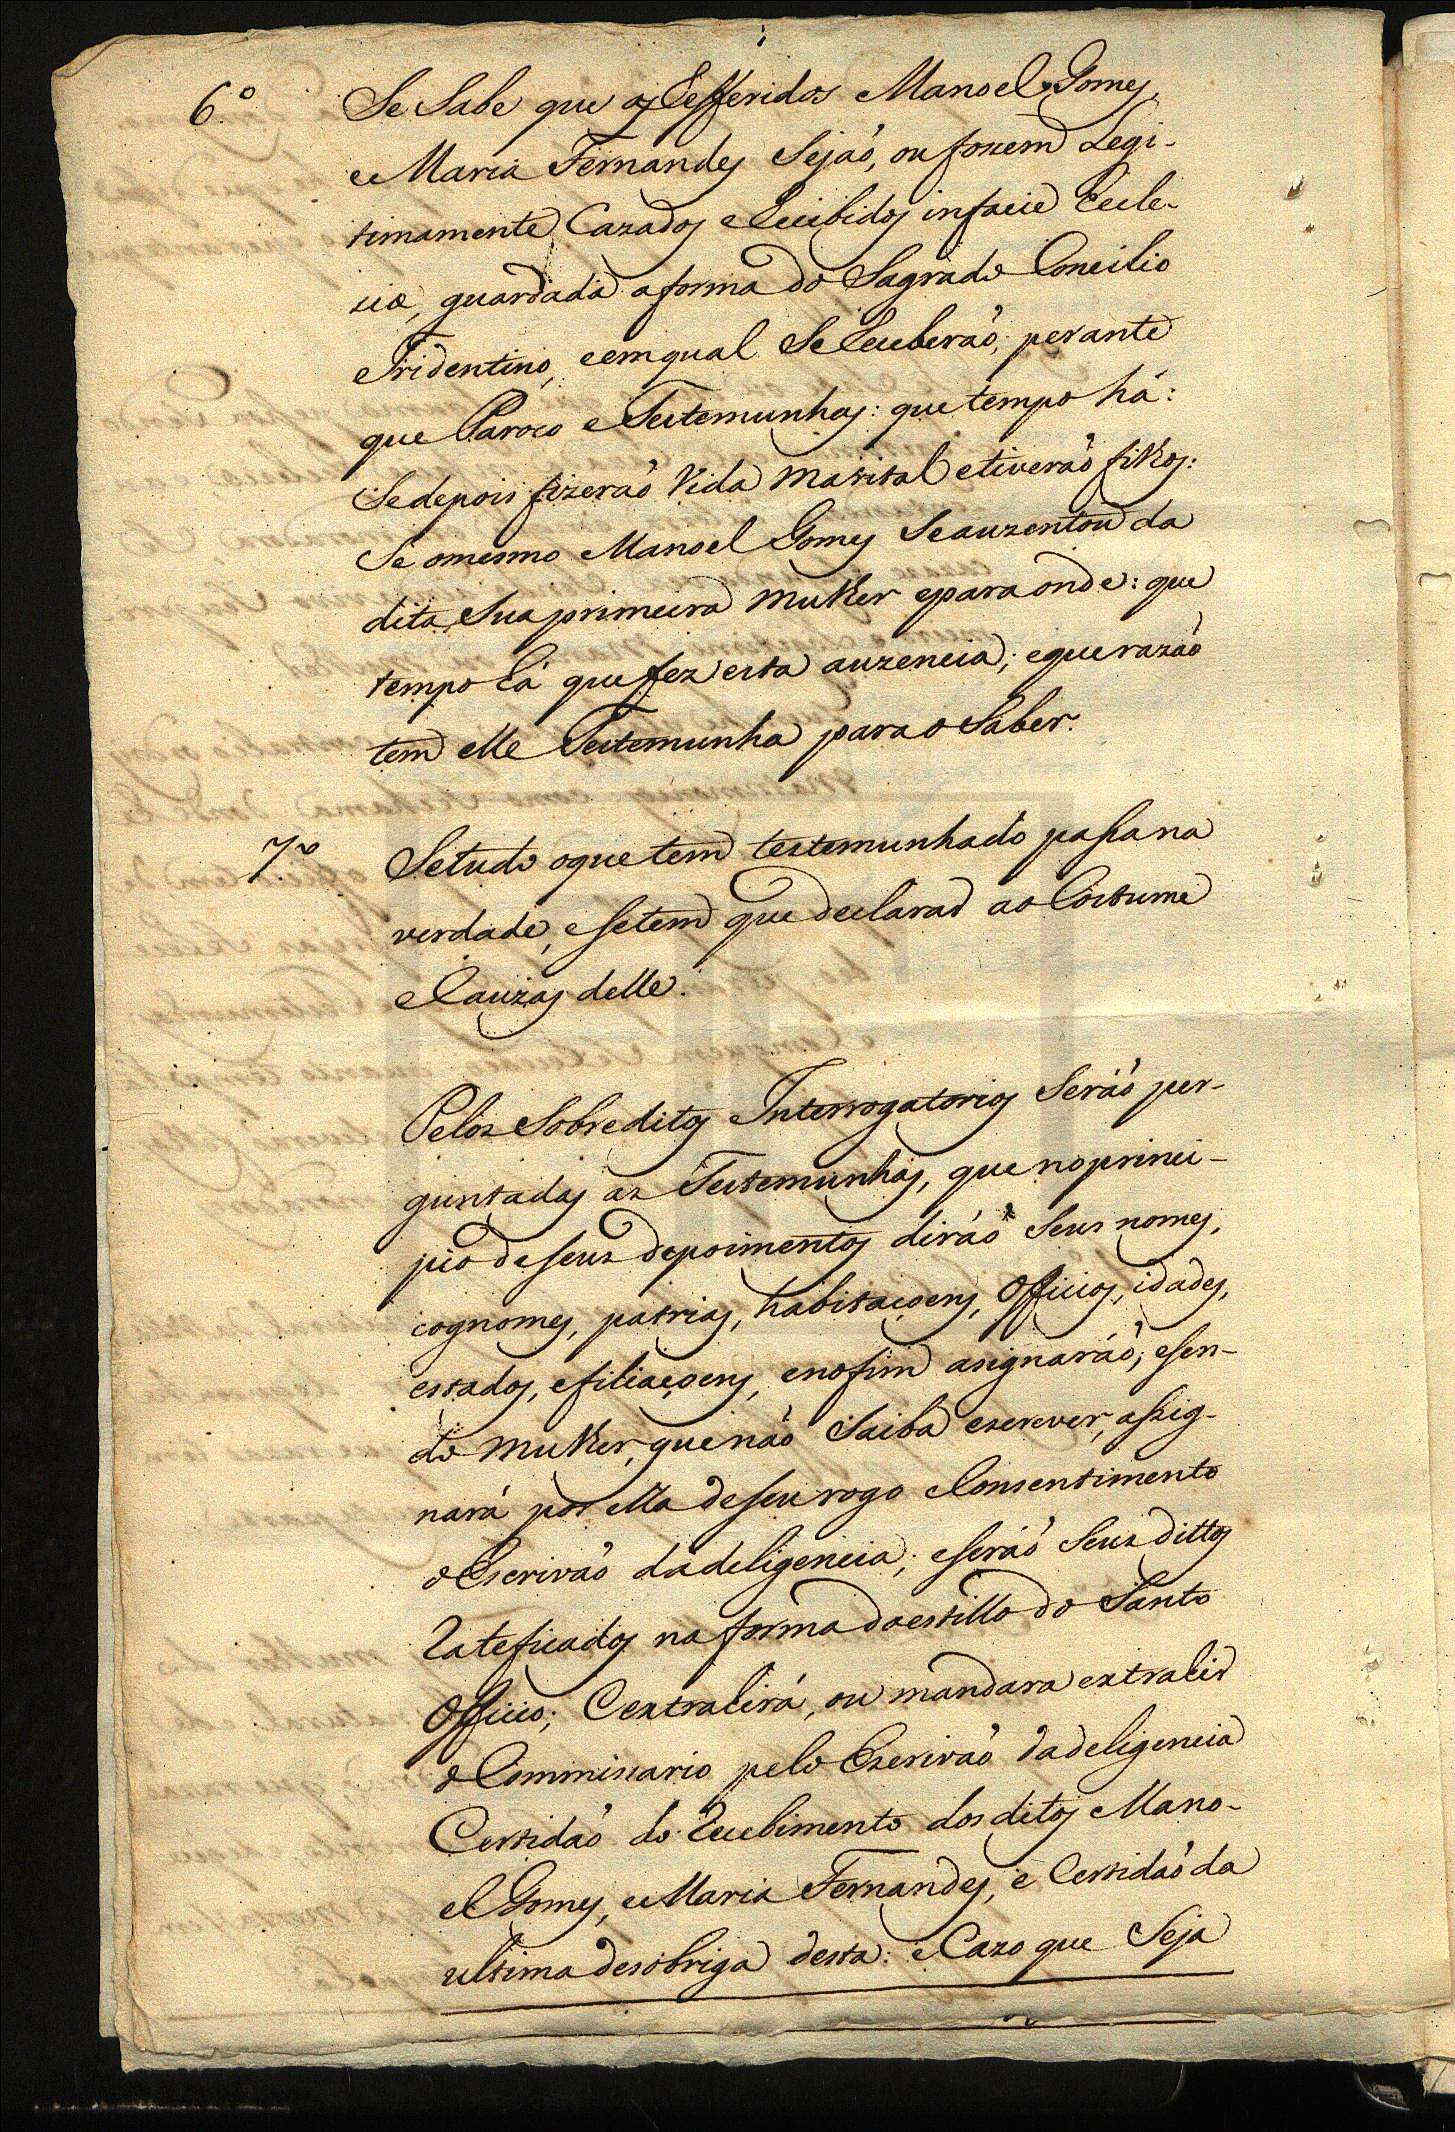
6.o Se Sabe que os Refferidos Manoel Gomes
e Maria Fernandes sejaõ, ou fossem Legi
timamente cazados e Recebidos in facie eccle
ziæ, guardada a forma do Sagrado Concilio
Tridentino, e em qual Se Receberaõ, perante
que Paroco, e Testemunhas: que tempo há:
Se depois fizeraõ Vida marital e tiveraõ filhos:
Se o mesmo Manoel Gomes se auzentou da
dita sua primeira mulher e para onde: que
tempo há que fez esta auzencia; e que razaõ
tem elle Testemunha para o Saber.
7.o Se tudo o que tem testemunhado passa na
verdade, e se tem que declarar ao Costume
e Cauzas delle.
Peloz Sobreditos Interrogatorios Seraõ per
guntadas as Testemunhas, que no princi
pio de seus depoimentos dirão seus nomes,
cognomes, patrias, habitaçoens, Officios, idades,
estados, e filiaçoens, e no fim asignaraõ, e sen
do mulher, que não saiba escrever, assig
nará por ella de seu rogo e Consentimento
o Escrivaõ da deligencia; e seraõ seus dittos
Rateficados na forma da estillo do Santo
Officio; E extrahirá, ou mandara extrahir
o Commissario pelo Escrivaõ da deligencia
Certidaõ do Recebimento dos ditos Mano
el Gomes e Maria Fernandes, e Certidaõ da
ultima desobriga desta: e Cazo que Seja
